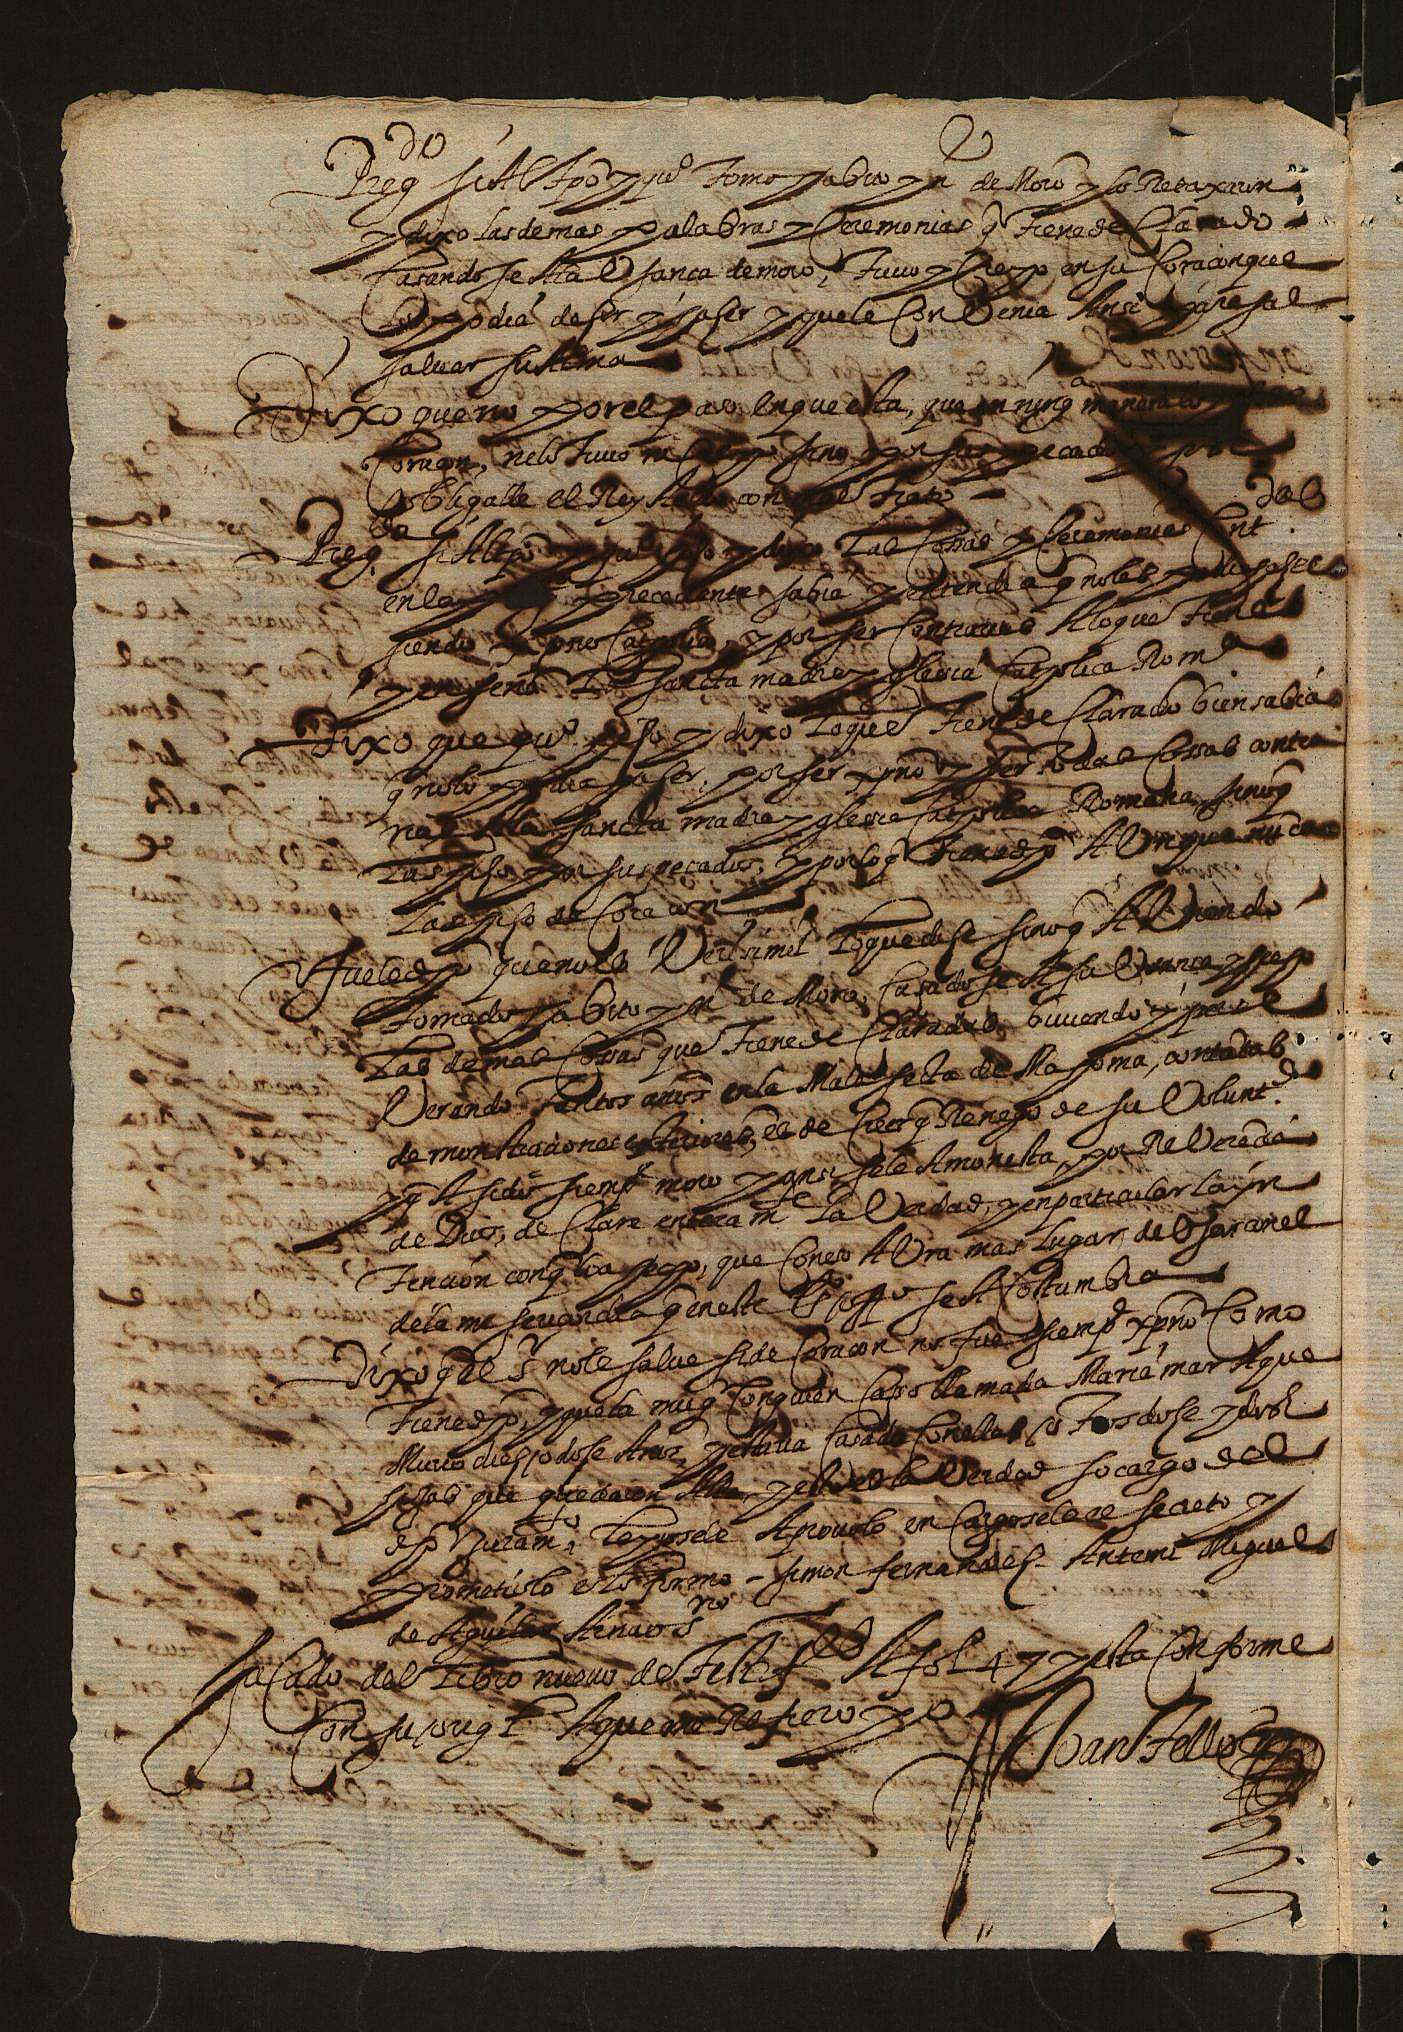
Pregdo si Al tpō y quo tomo habito y ne de Moro y lo Retaxaron
y dixo las demas palabras y Ceremonias q̄ tiene deClarado
Casandose A la Vsança de moro, tuuo y Creyo en su Coraçon que
lo podia dezir y hazer y que le Convenia Ansi para sal
saluar su Alma
Dixo que no por el paso en que esta, que en ninga manera lo
Coraçon ne lo tuuo ne Creyo sino por sus pecados y por
obligalle el Rey A ello con maltrato
Preg.do si Al tpō que hizo y dixo las Cossas y Ceremonias Cont.das
en la pregta precedente sabia y entendia q̄ no les pode hazer
siendo xpno Catholico, y por ser Contrarias A lo que tiene
y ensenā la sancta madre yglesia Catholica Roma
Dixo que qu.o hizo y dixo lo que tiene deClarado bien sabia
q̄ no lo podia hazer, por ser xpn̄o y por todas Cossas contra
rias A la sancta madre yglesia Catholica Romana sino q̄
las hizo por sus pecados, y por lo q̄ tiene dhō AVnque nūca
las hizo de Coraçon
fuele dhō que no es Verisimel Lo que dize sino q̄ AViendo
tomado habito y no de Moro, Casādose A su Vsança y hecho
Las demas Cossas que tiene deClaradas, biuiendo y perse
Verando tantos anōs en la Mala secta de Mahoma, con tātas
demonstraciones exteriores, es de Creer q̄ Renego de su Voluntd
y q̄ A sido siempe moro y ansi se le Amonesta, por ReVerēcia
de Dios, deClare enteramte la Verdad, y en particular la yn
tencion con q̄ lo a hecho, que Con eso AVra mas lugar de vsar con el
de la misericordia q̄ en este sto offo se ACostumbra
Dixo q̄ el Sr no le salue si de Coraçon no fue siempe xpn̄o Como
tiene dhō, y que la mugr Con quien Casso llamada Mariāmar A que
Murio diez o doze Anōs, y estaua Casado Con ellas otros doze y dos
hijos que quedaron Alla, y esta es la Verdad so cargo del
dhō Juramto, Leyosele Aprouolo enCargosele el secreto y
prometiolo, e Lo firmo - simon fernandez. Ante mi Miguel
de Aguilar Arnao Sno
SaCado del Libro nueuo de Testif.es A fol 47 y esta Conforme
Con su origL A que me Refiero yo
Joan tello
